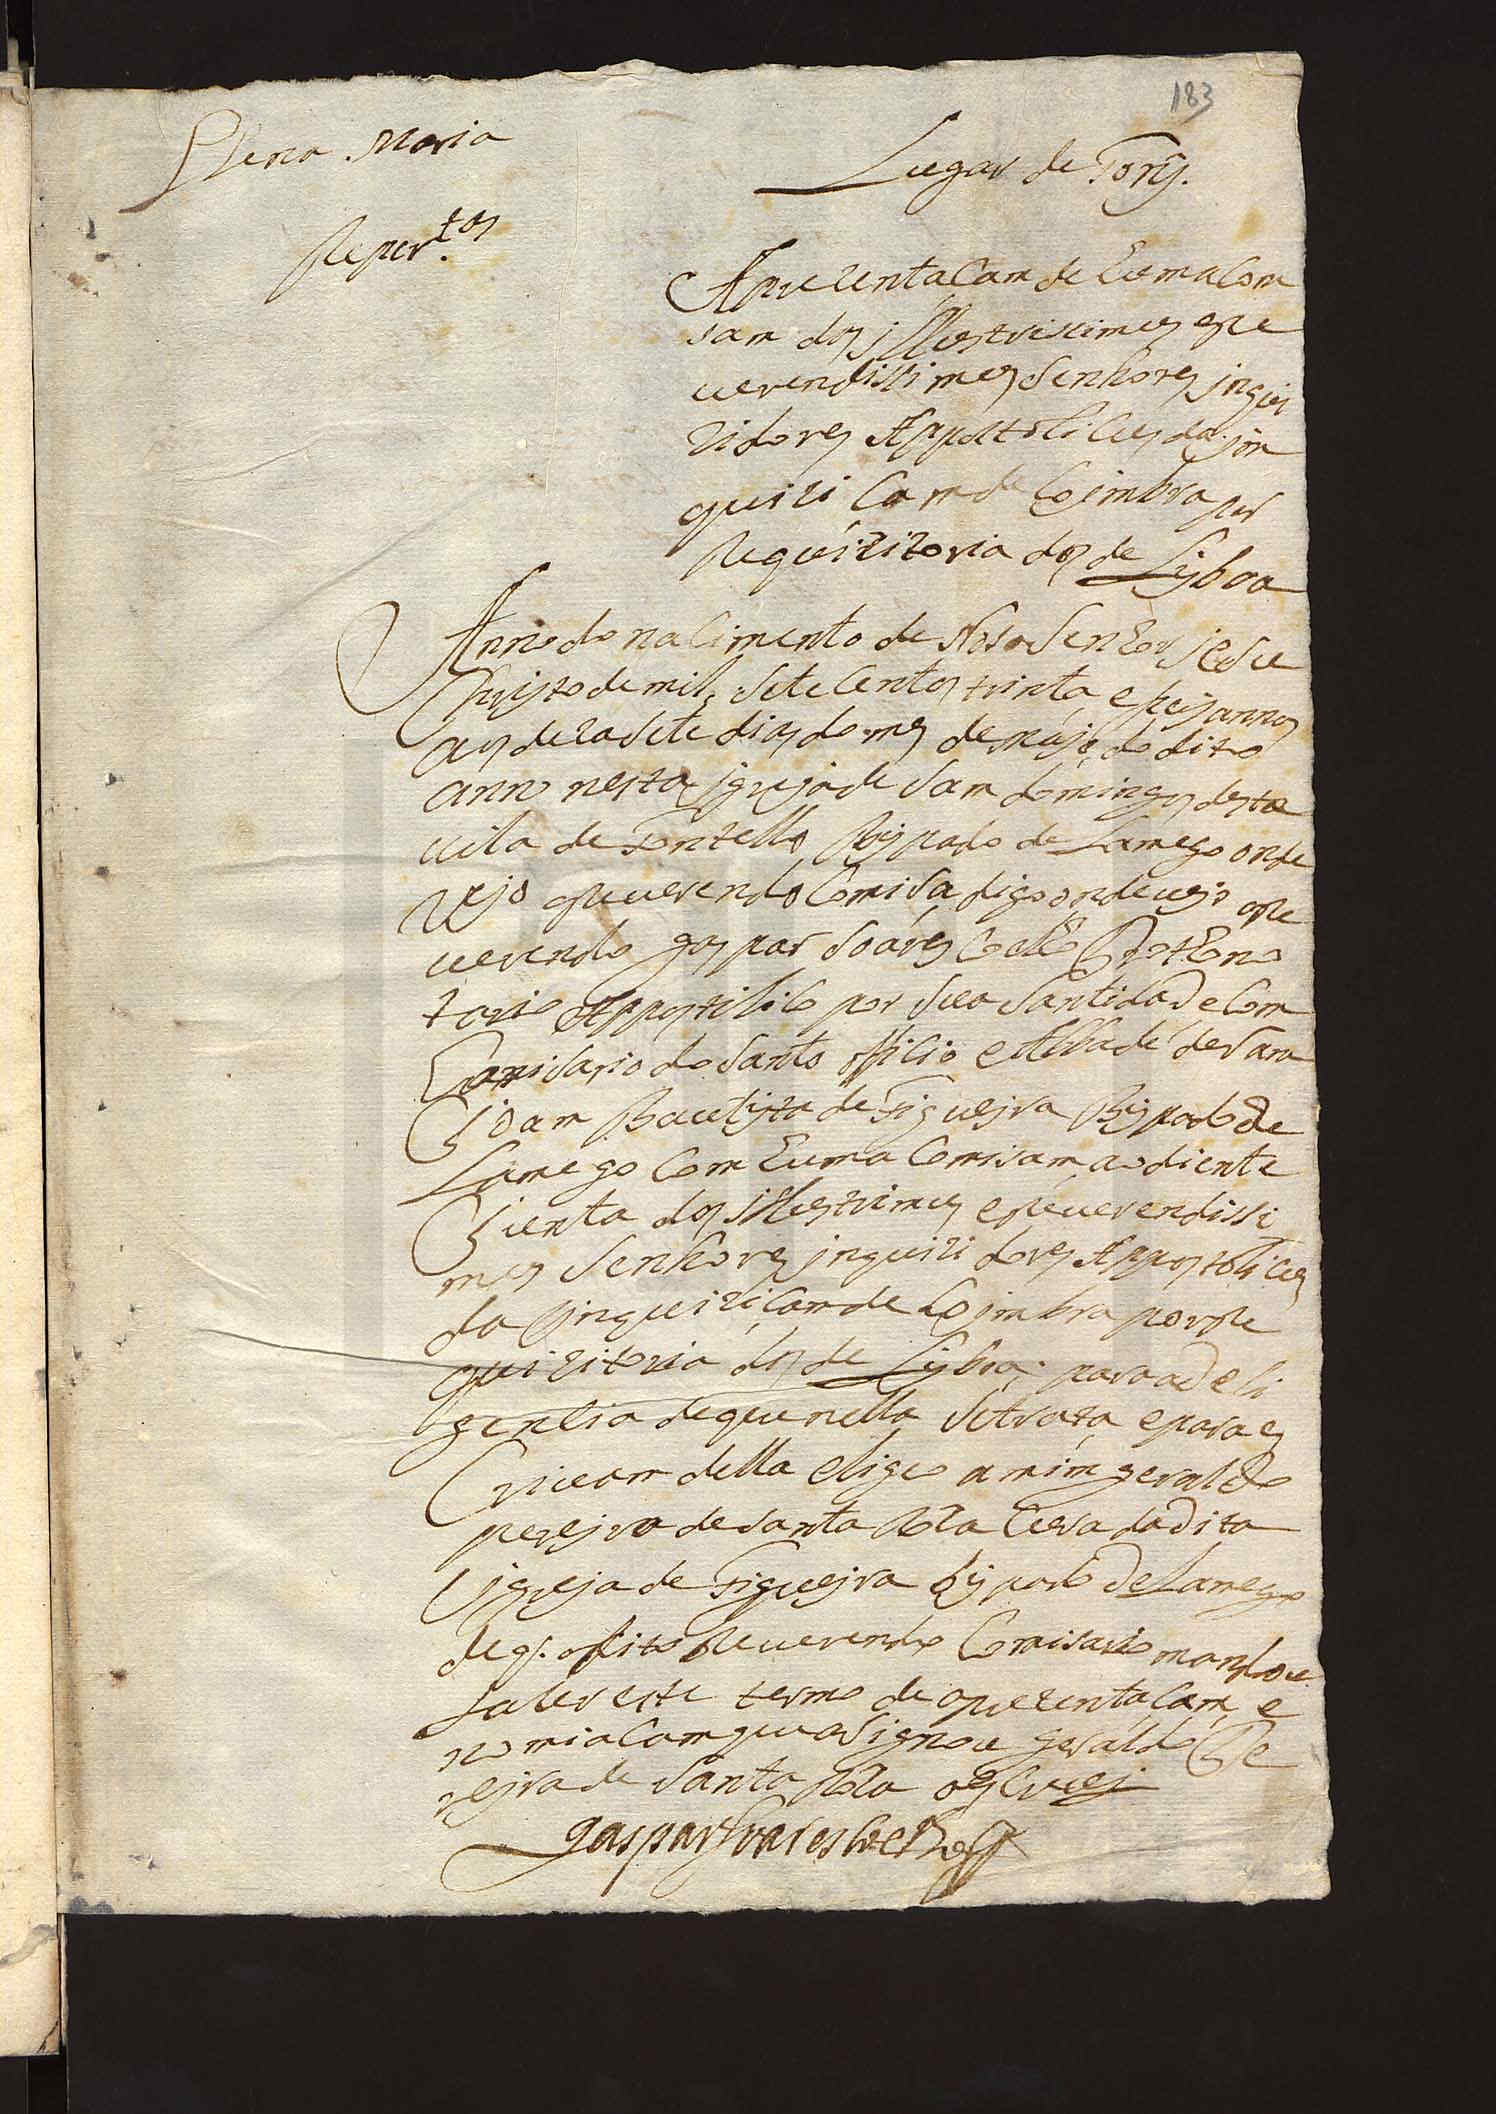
ELena. Maria
Lugar de Ton̄s.
Reper.tos
Aprezentaçam de huma com
sam dos jllustriscimos e re
uerendissimos senhores jnqui
zidores Appostolicos da jm
quiziÇam de Coimbra per
Requizitoria dos de Lisboa
Anno do naCimento de Noso Senhor ieSu
Christo de mil setecentos trinta e seis annos
aos dezasete dias do mes de majo do dito
anno nesta jgreja de Sam domingos desta
uila de Fontello Bispado de Lamego onde
vejo quuerendo Comida digo onde uejo o Re
uerendo gaspar soares coelho Prothono
torio Appostilico por sua santidade com
Comisario do Santo officio e Abbade de Sam
Ioam Bautista de Figuejra Bispado de
Lamego com huma Comisam, aodiente
Junta dos illustrimos e reuerendissi
mos Senhores jnquizidores Appostolicos
da jnquiziçam de Cojmbra por Re
quizitoria desde Lisboa; para a deli
gencia de que nella se trata e para es
Criuam della digo a mim geraldo
perejra de santa Roza cura da dita
jgreja de Figueira bispado de Lamego
de q̄. o dito Reuerendo Comisario mandou
fazer este termo de aprezentaçam, e
nomiacam que asignou geraldo Pe
rejra de Santa Roza o escreuj
gaspar soares Coelho
